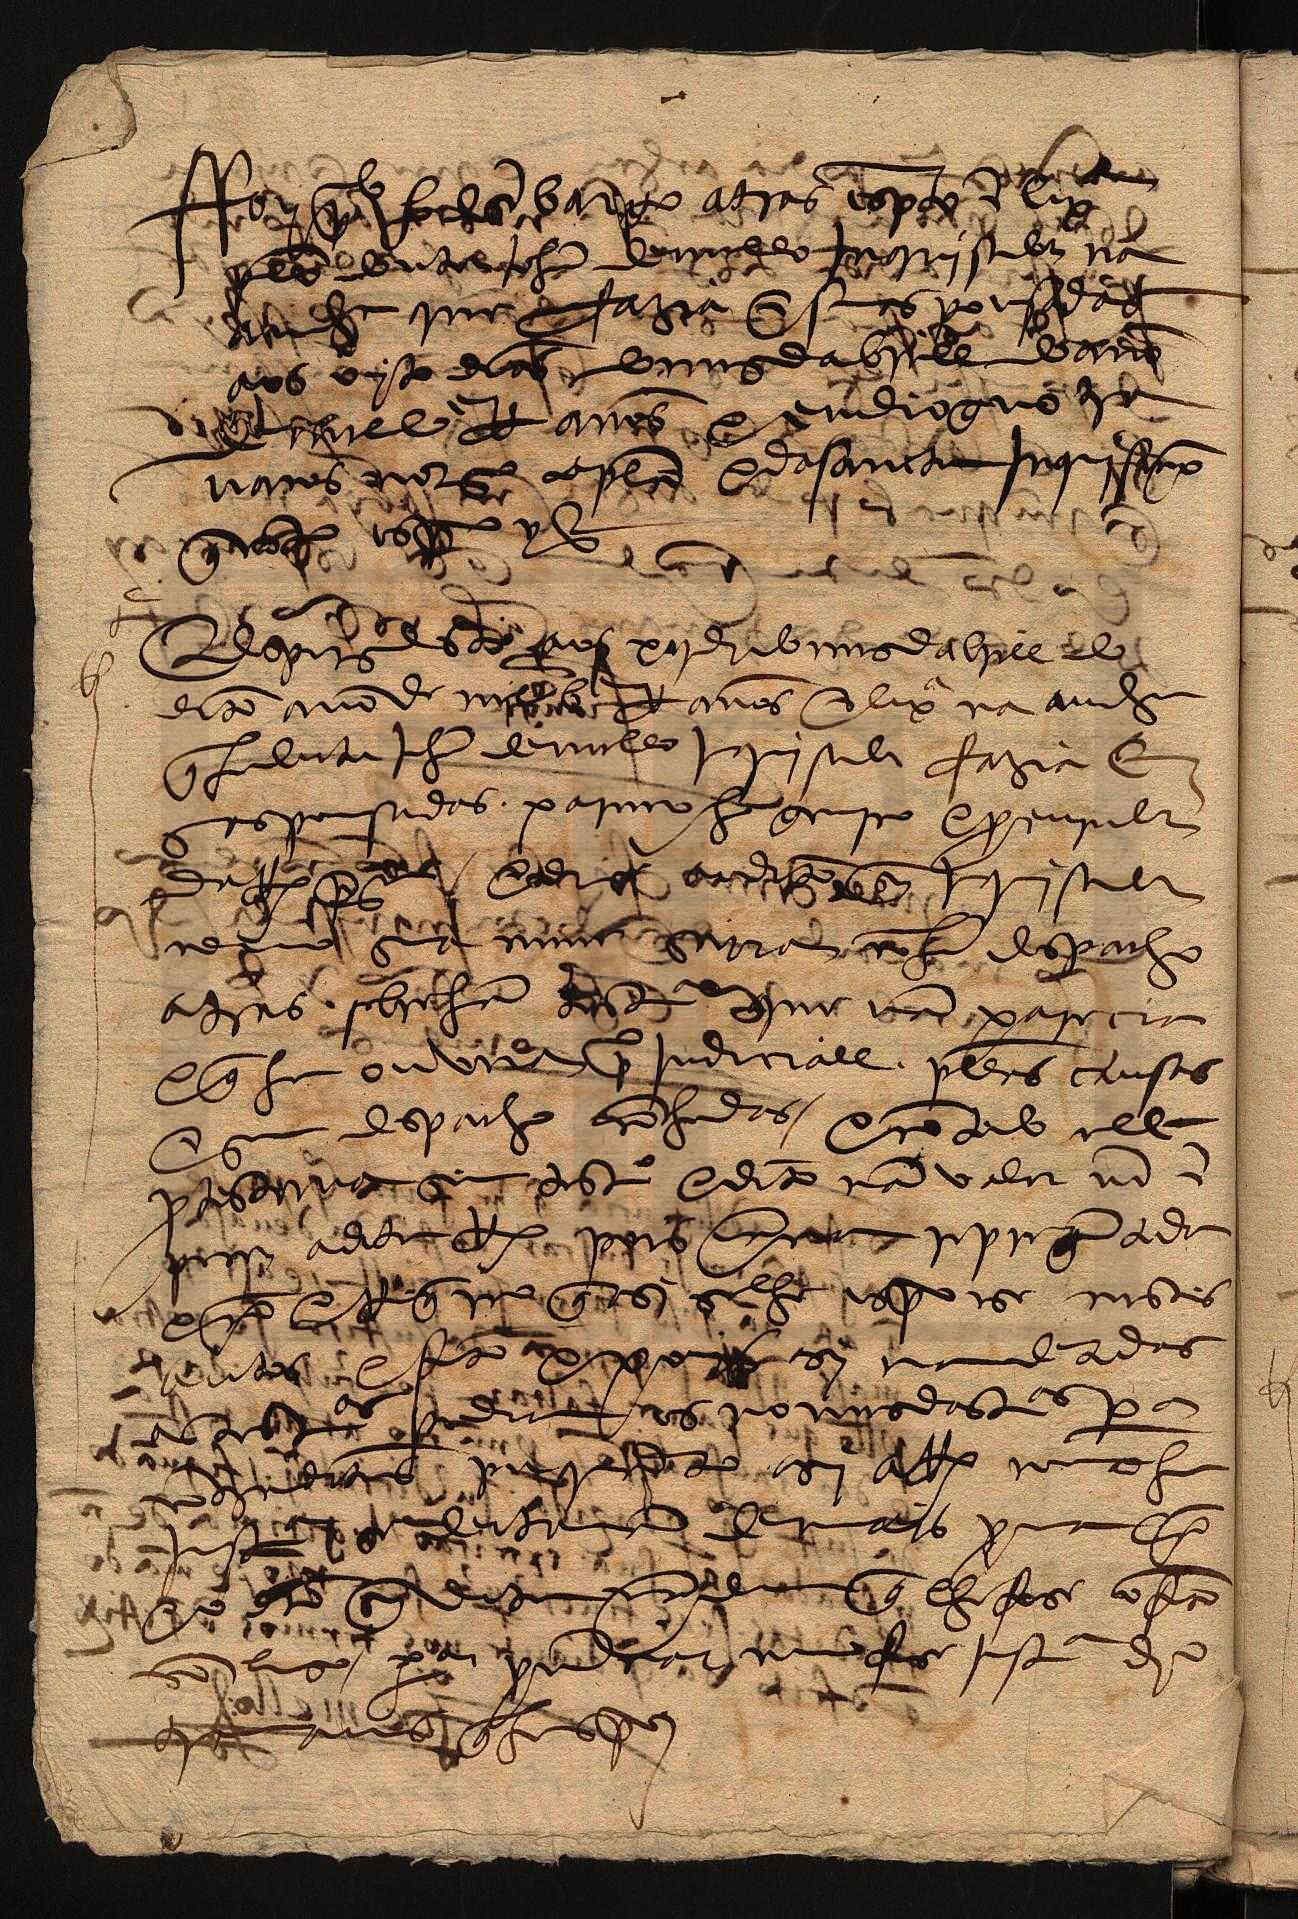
Rꝭ
ffoy p̄do ho desēbargo atras esp̄to ē lixa
p̄llo doutor Johā de mello Jnqujsidor na
audja que fazia ē suas pousadas
aos oyto dias do mes dabrill do anō
de mil bc R anōs e eu dioguo tra
uaços notro apl̄co e da sancta Jnqujsição
q̄ esto esp̄vy
E despois desto aos xij di do mes dabrill do
dito anō de mjl bc R an̄os ē lixa na audja
q̄ ho doutor Johā de mello Jnquisidor fazia Em
suas pousadas. pareceo ho genrro e ꝓcurador
da Rꝭ p̄sa / e dise ao dito s̄r Jnqujsidor
como sua merce sayra cō hū despacho
atras sobre hūa ta que nā parecia
e q̄ ha ouvera p̄o Judiciall p̄llas causas
ē seu despacho cōtheudas / e c̄otodo elle
ꝓtestaua seu testo e dito nā valer nē ē
pecer a dita Rꝭ pois nā era repregūtada
e c̄ꝭ e Req̄reo q̄ asj se lhe esp̄vese nestes
autos e fctō e poys asy era de todas
as testas pedia os nomes das tas ꝑa
c̄otraditas porquāto asy a Rꝭ como ha
Justa se deitauā de mais ꝓua e c̄ꝭ
e o dtō sōr doutor mādou q̄ lhe fose o fct̄o
cōcluso / ꝑa ꝓnūciar como fose Justa djo
trauaços q̄ ho esp̄vj
